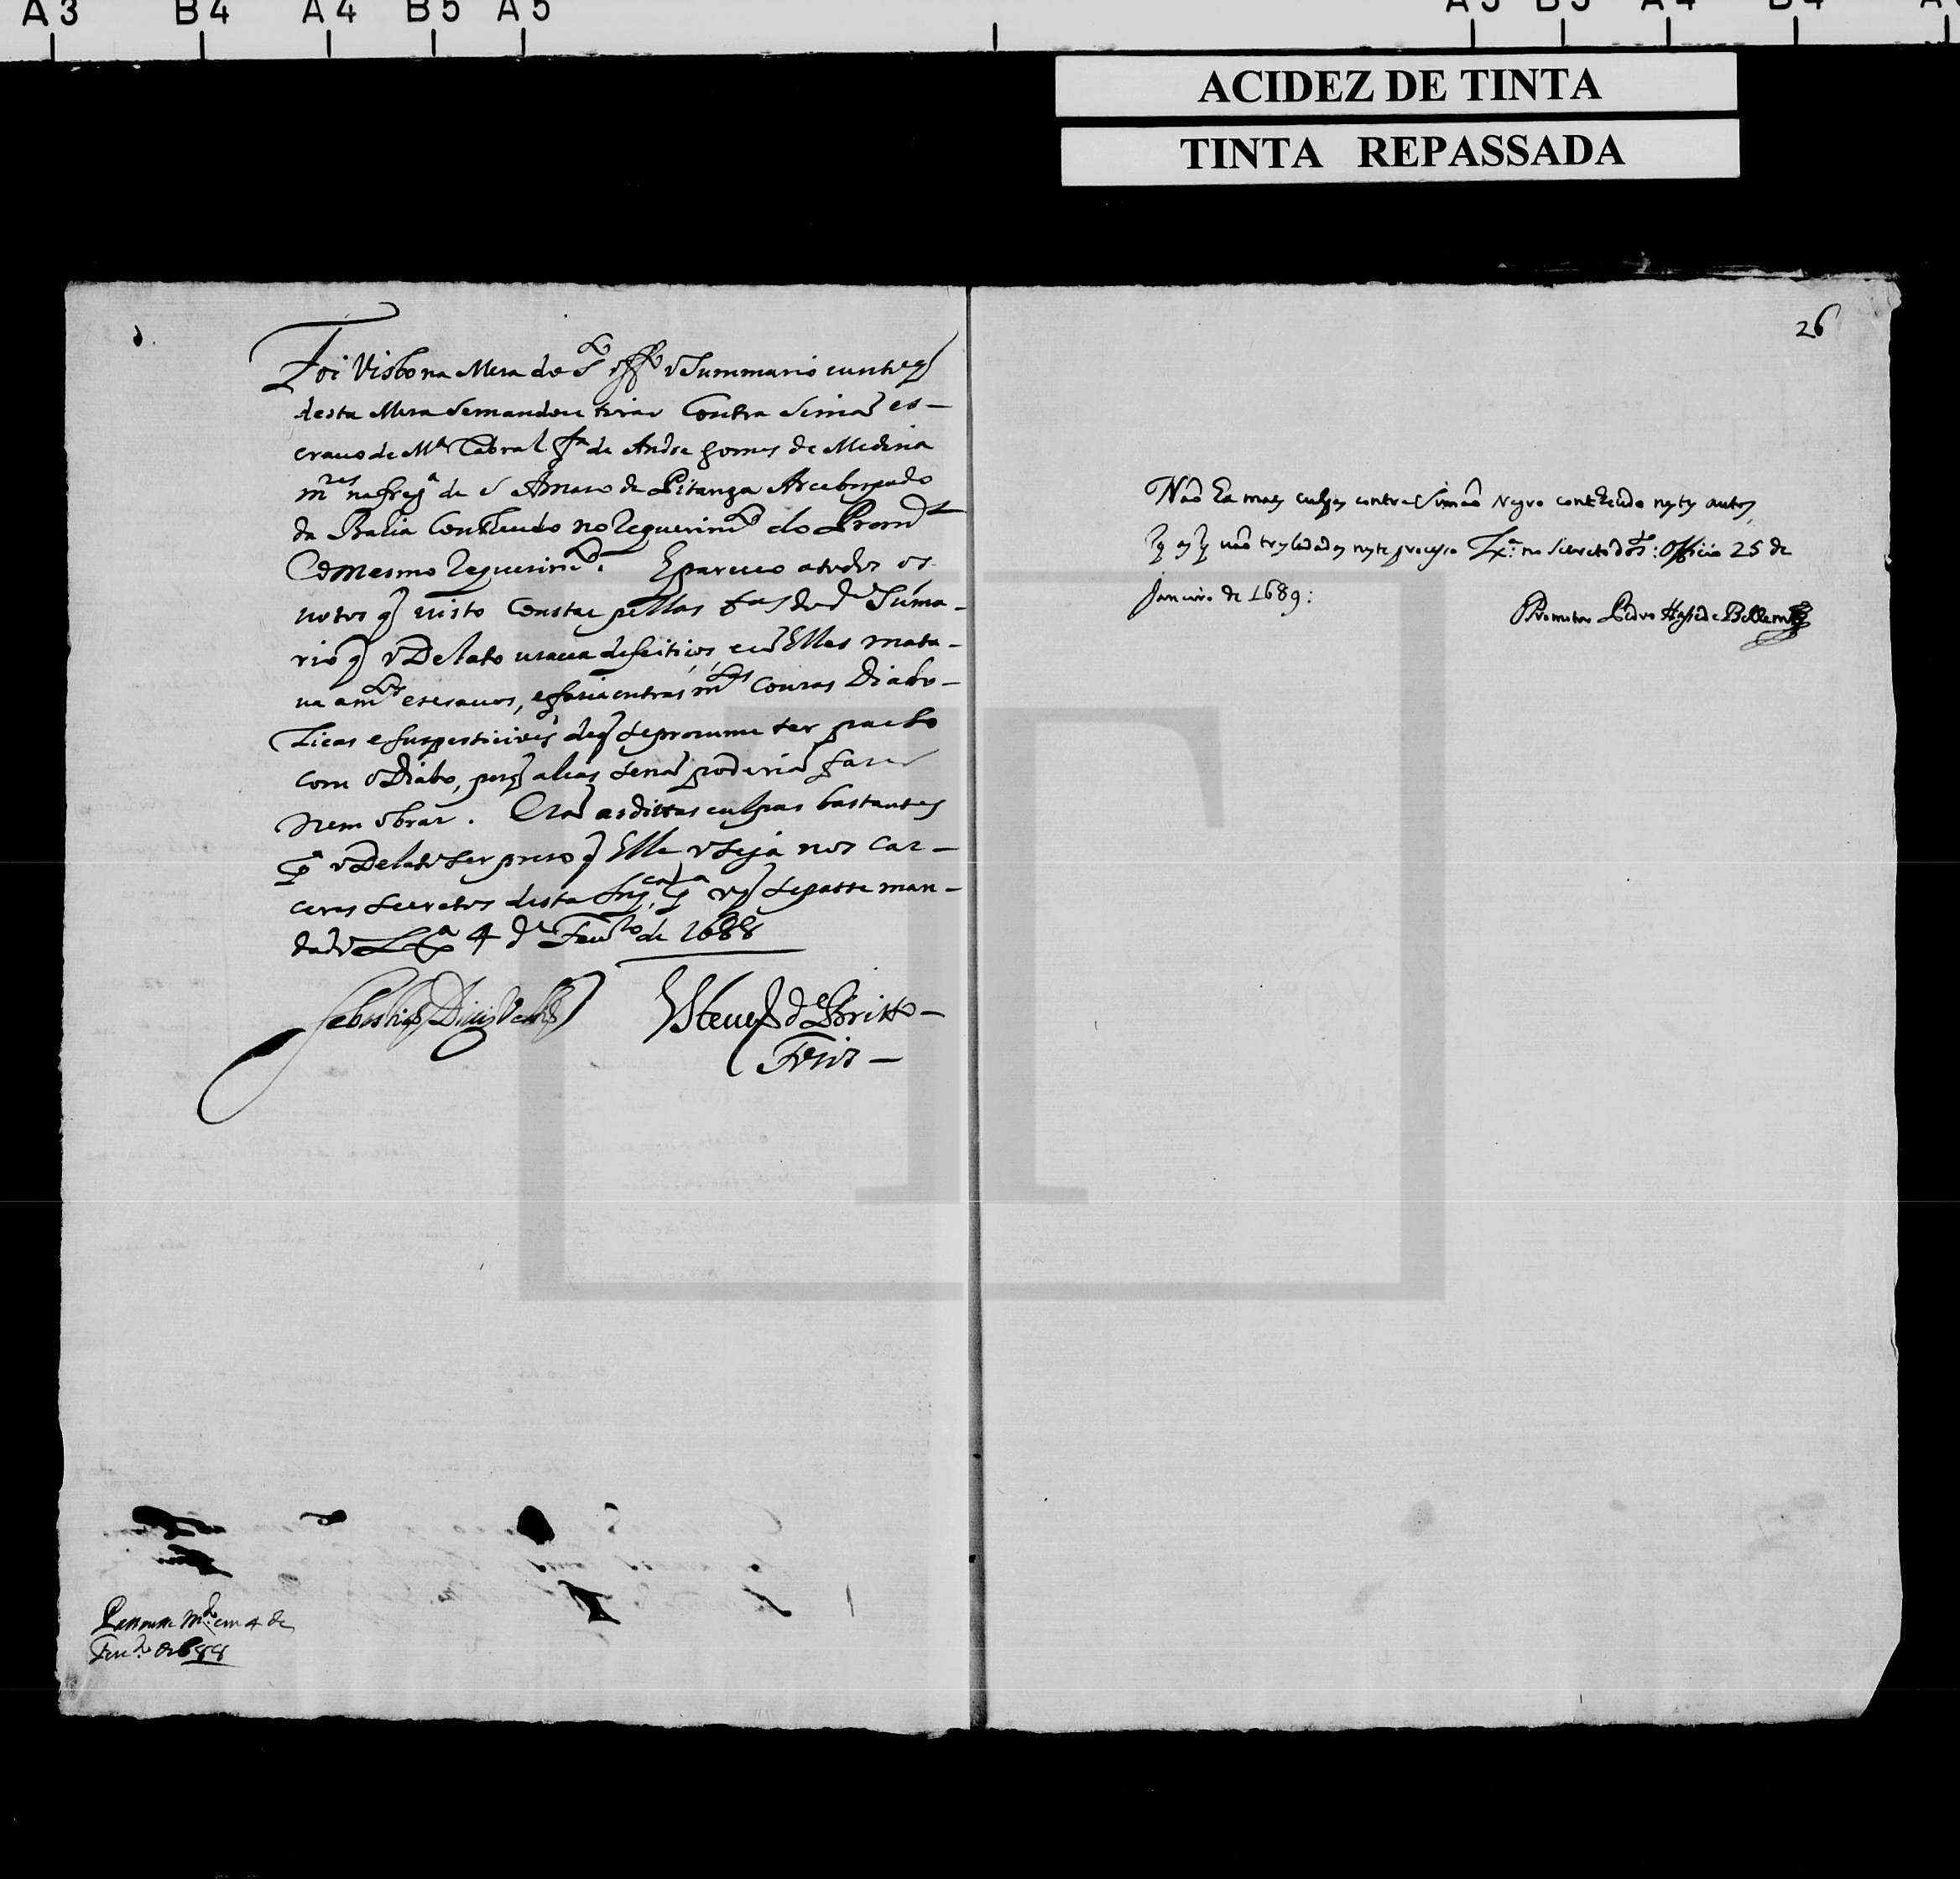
Foi Visto na Meza do sto offo o Summario iunto q̄
desta Meza se mandou tirar Contra Simaõ es
crauo de Ma Cabral fa de Andre gomes de Medina
mres na frega de S Amaro de Pitanga Arcebispado
da Bahia Contheudo no Requerimto do Promor
E o mesmo Requerimto. E pareceo a todos os
uotos q̄ uisto constar pellas tas do do Sum̄a
rio q̄ o Delato uzaua de feitiços, e cō Elles mata
ua a mtos escrauos, e fazia outras mtas couzas Diabo
Licas e susperticioes̄ de q̄ se prezume ter pacto
com o Diabo, porq̄ alias se nā poderiā fazer
nem obrar. E saõ as dittas culpas bastantes
pa o Delato ser preso q̄ Elle o seja nos car
ceres secretos desta Inqçā, pa o q̄ se passe man
dado Lxa 4 de Feuro de 1688
Sebastiaõ Dinis Velho
Esteuaõ de Britto
Foios -
Passousse md.o em 4 de
Feur.o de 688
26
Naõ ha maes culpas contra Simaõ Negro contheudo nestes autos,
q̄ as q̄ uaõ tresladadas neste processo Lxa: no secreto do sto: officio 25 de
Janeiro de 1689:
O Promotor Pedro Hasse de Bellem
